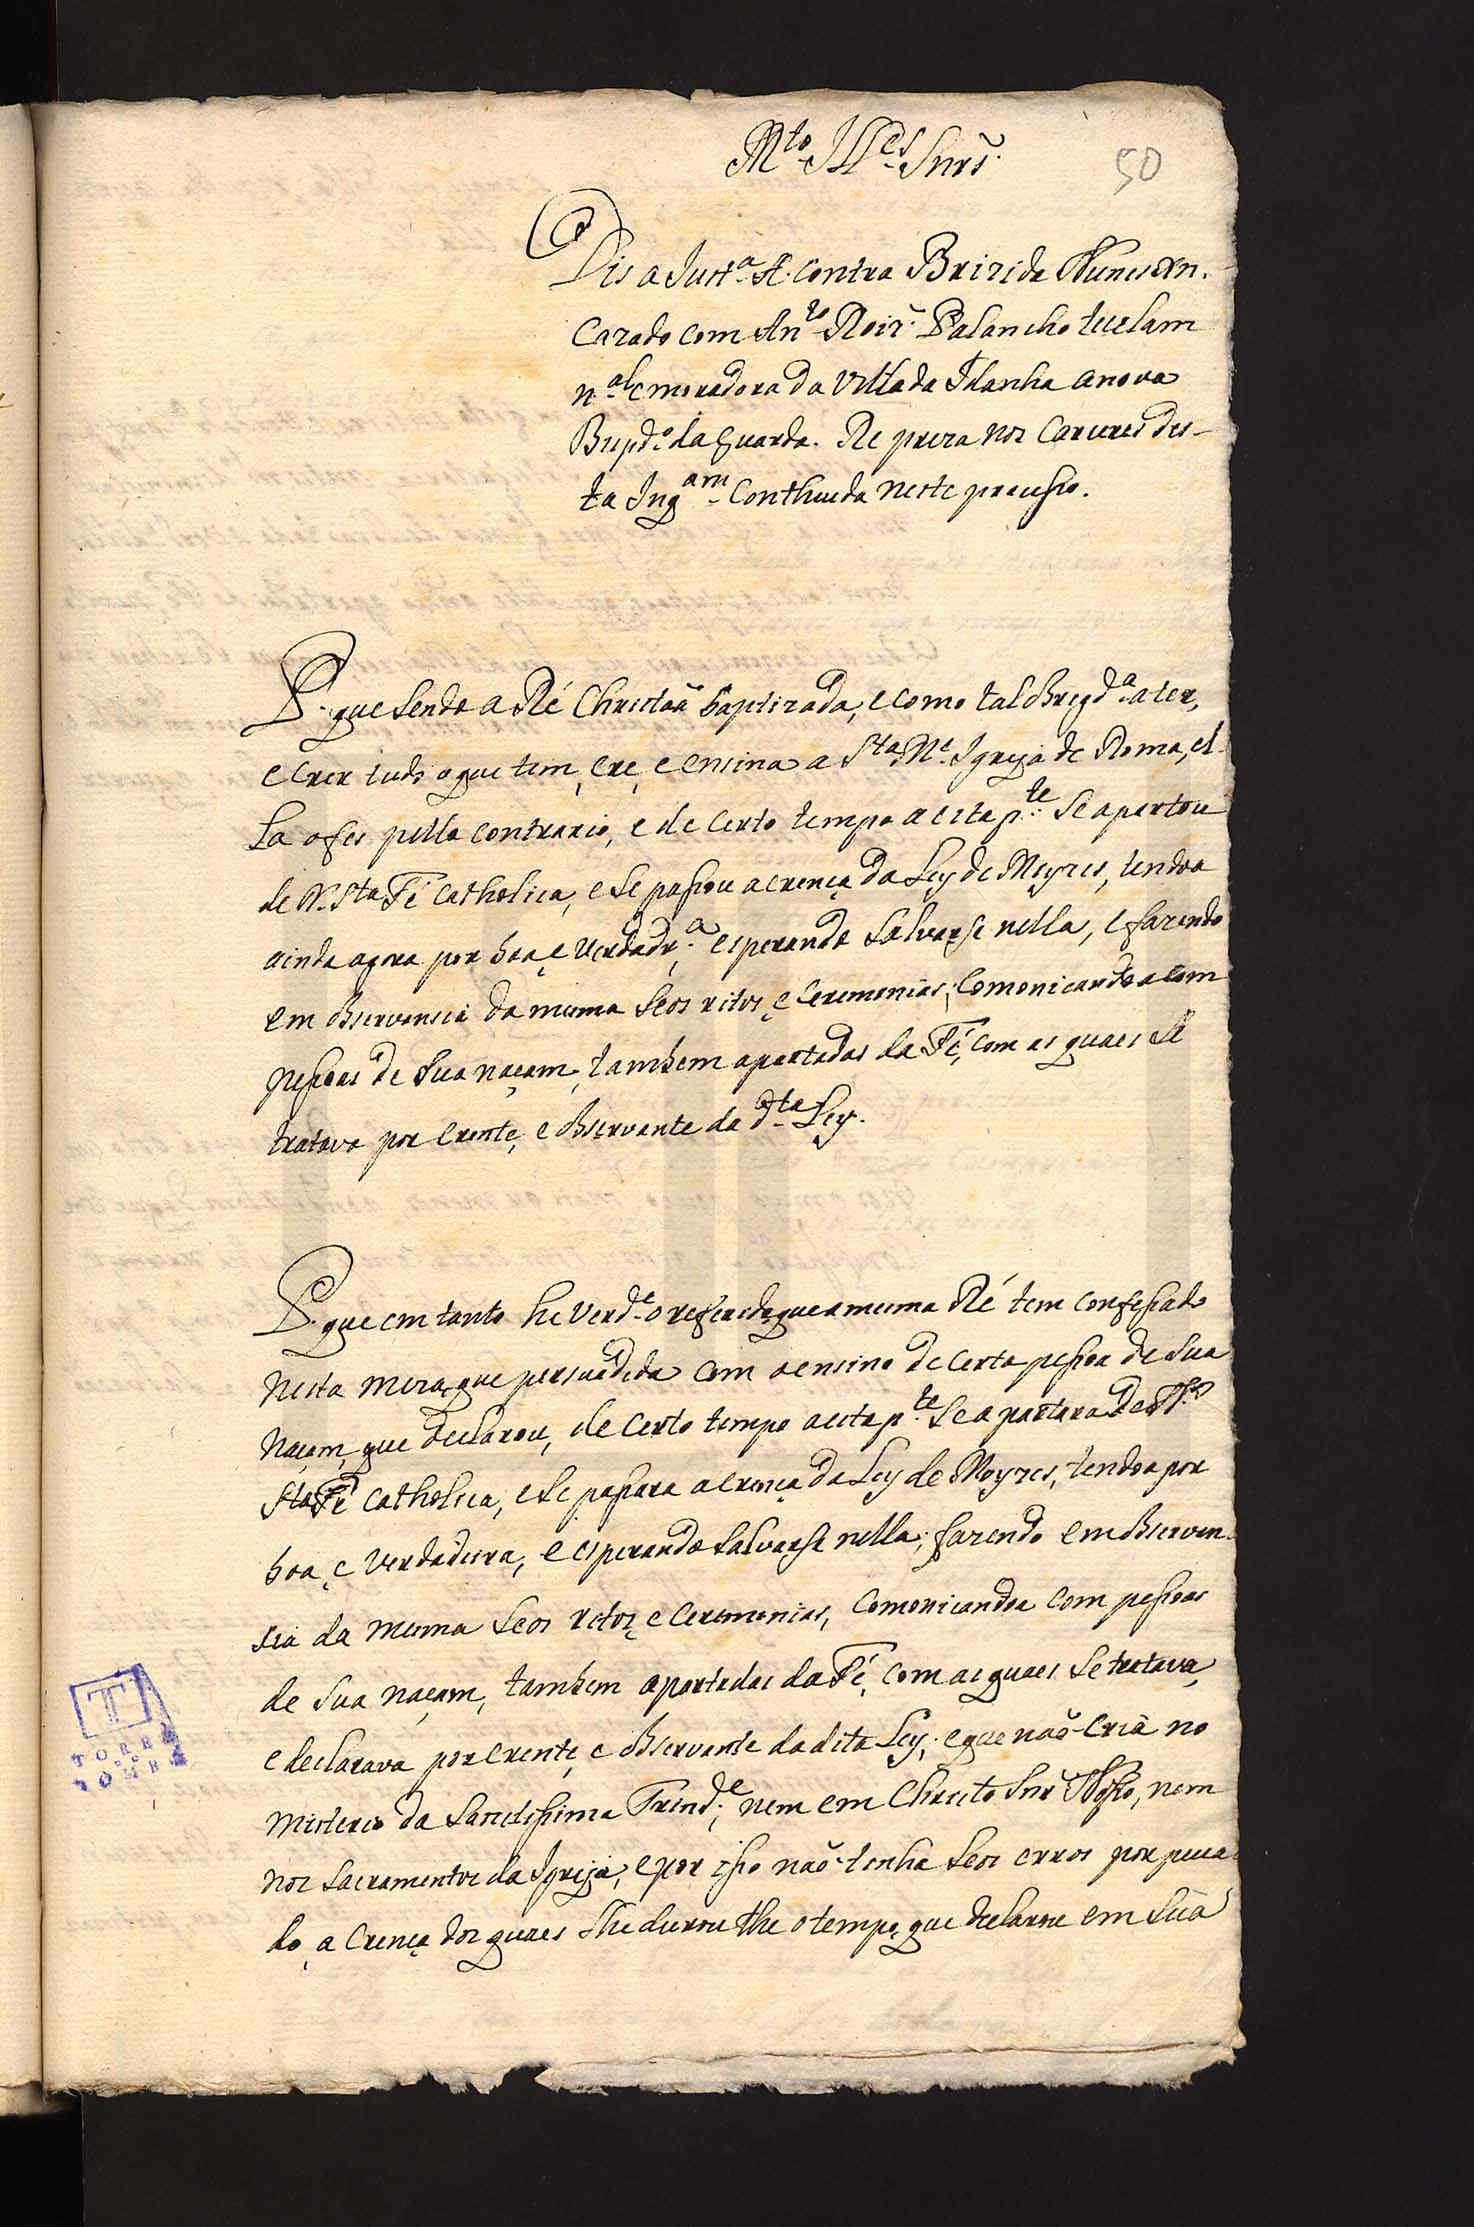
Mto Ill.es Snrs.
Dis a Iust.a A. contra Brizida Nunes xn.
cazado com Anto Roiz̄. Palancho tecelam
n.al e moradora da villa da Idanha a nova
Bispd.o da Guarda. Ré preza nos carceres des
ta Inqam. contheuda neste processo.
P. que sendo a Ré Christaã baptizada, e como tal obrigd.a a ter,
e crer tudo o que tem, cre, e ensina a Sta M.e Igreja de Roma, el
La o fes pello contrario, e de certo tempo a esta p.te se apartou
de N. sta Fé catholica, e se passou a crença da Ley de Moyzes, tendoa
ainda agora por boa, e verdadr;a esperando salvarse nella, e fazendo
em observancia da mesma seos ritos, e Ceremonias; Comonicando a com
pessoas de sua naçam, tambem apartadas da Fé, com as quaes se
tratava por crente, e observante da d.ta Ley.
P. que em tanto he verd.e o referido, que a mesma Ré tem confessado
nesta meza, que persuadida com o ensino de certa pessoa de sua
naçam, que declarou, de certo tempo a esta p.te se apartara de N.a
Sta Fé catholica, e se passara a crença da Ley de Moyzes, tendoa por
boa, e verdadeira, e esperando salvarse nella; fazendo em observen
sia da mesma Seos ritos, e ceremonias, comonicandoa com pessoas
de sua naçam, tambem apartadas da Fé, com as quaes se tratava,
e declarava por crente, e observante da dita Ley; e que naõ cria no
misterio da Sanctissima Trind.e, nem em Christo Snr̄ Nosso, nem
nos Sacramentos da Igreja, e por isso naõ tenha Seos erros por pecca
do, a crença dos quaes lhe durou the o tempo, que declarou em Sua
